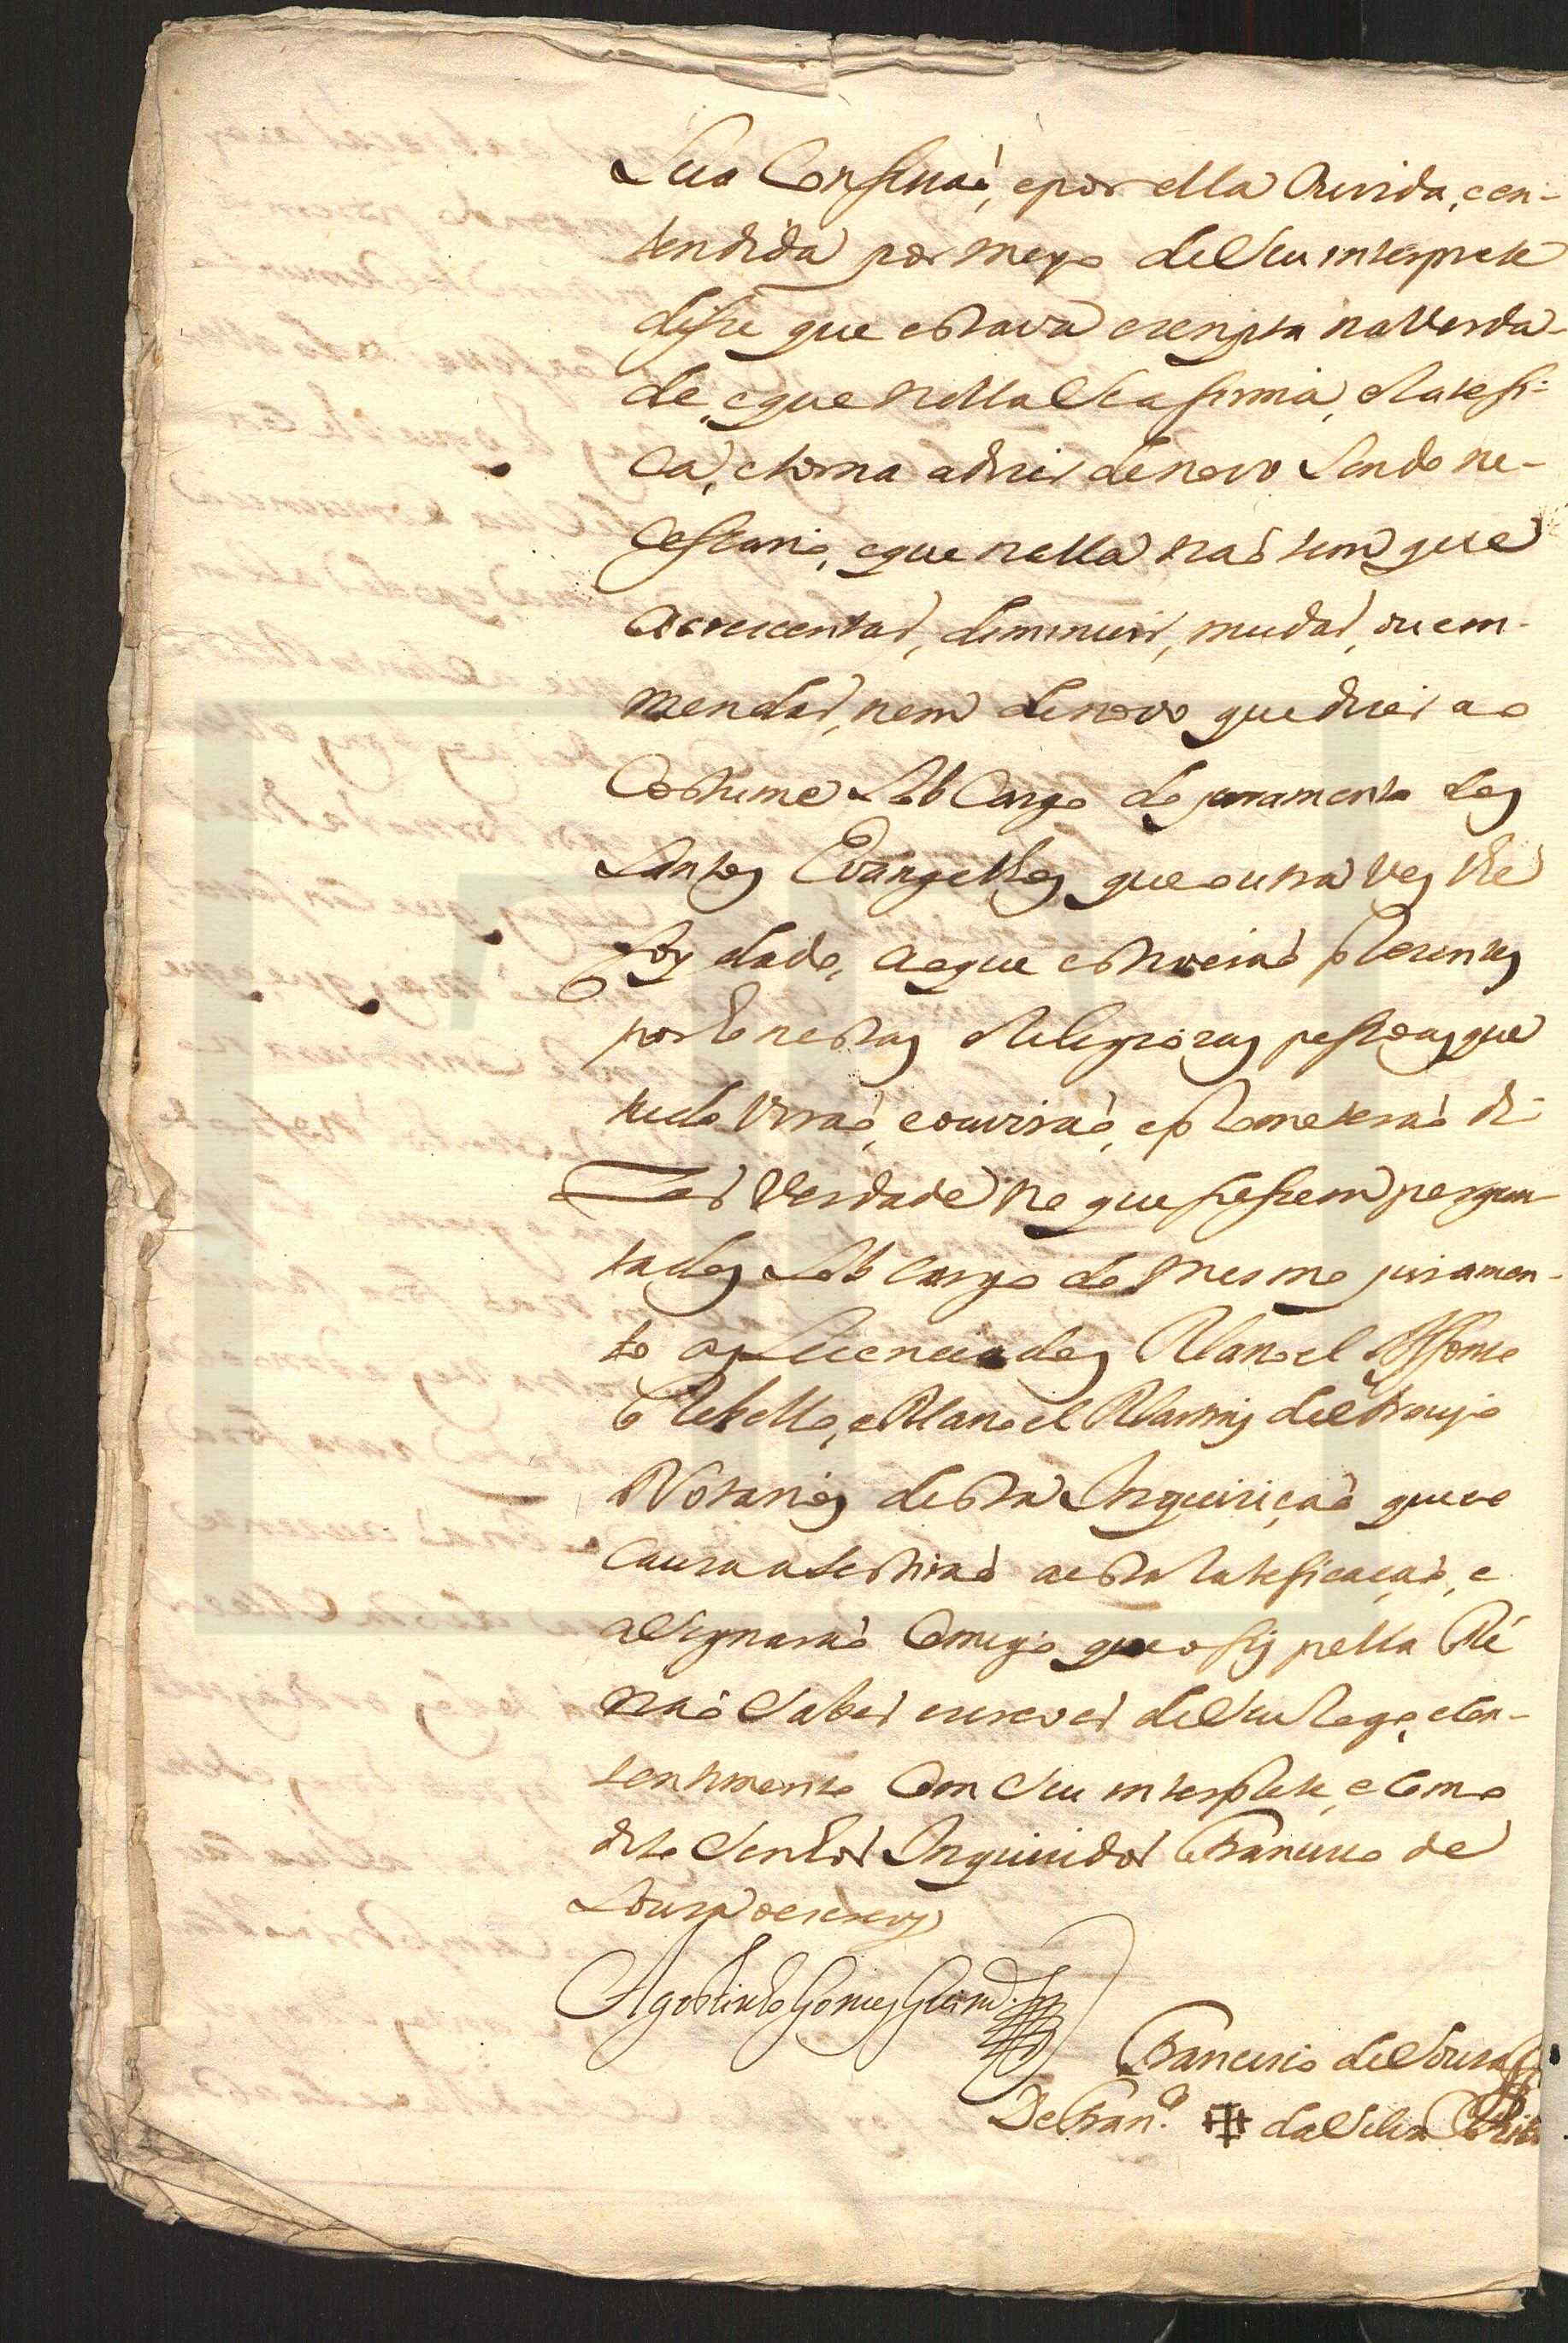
Sua Confissaõ, e por ella Ouvida, e en
tendida por meyo de seu interprete
disse que estava escripta na verda
de, e que nella se afirma, e Ratefi
ca, e torna a dizer de novo sendo ne
cessario, e que nella naõ tem que
acrescentar, diminuir, mudar, ou em
mendar, nem de novo que dizer ao
Costume sob Cargo do juramento dos
Santos Evangelhos que outra ves lhe
foy dado, ao que estiveraõ pRezentes
por honestas e Religiozas pessoas que
tudo viraõ, e ouviraõ e pRometeraõ di
Zer verdade no que fossem pergun
tados sob cargo do mesmo juramen
to os Licenciados Manoel Affonso
Rebello e Manoel Martins de Araujo
Notarios desta Inquiziçaõ que ex
cauza asestiraõ a esta Rateficaçaõ, e
asignaraõ Comigo que o fis pella Ré
naõ saber escrever de seu Rogo, e con
sentimento Com seu interpRete, e com o
dito Senhor Inquizidor Francisco de
Souza o escrevj
Agostinho Gomes Guim.es
Francisco de Souza
De Fran.co
da Silva Rib
